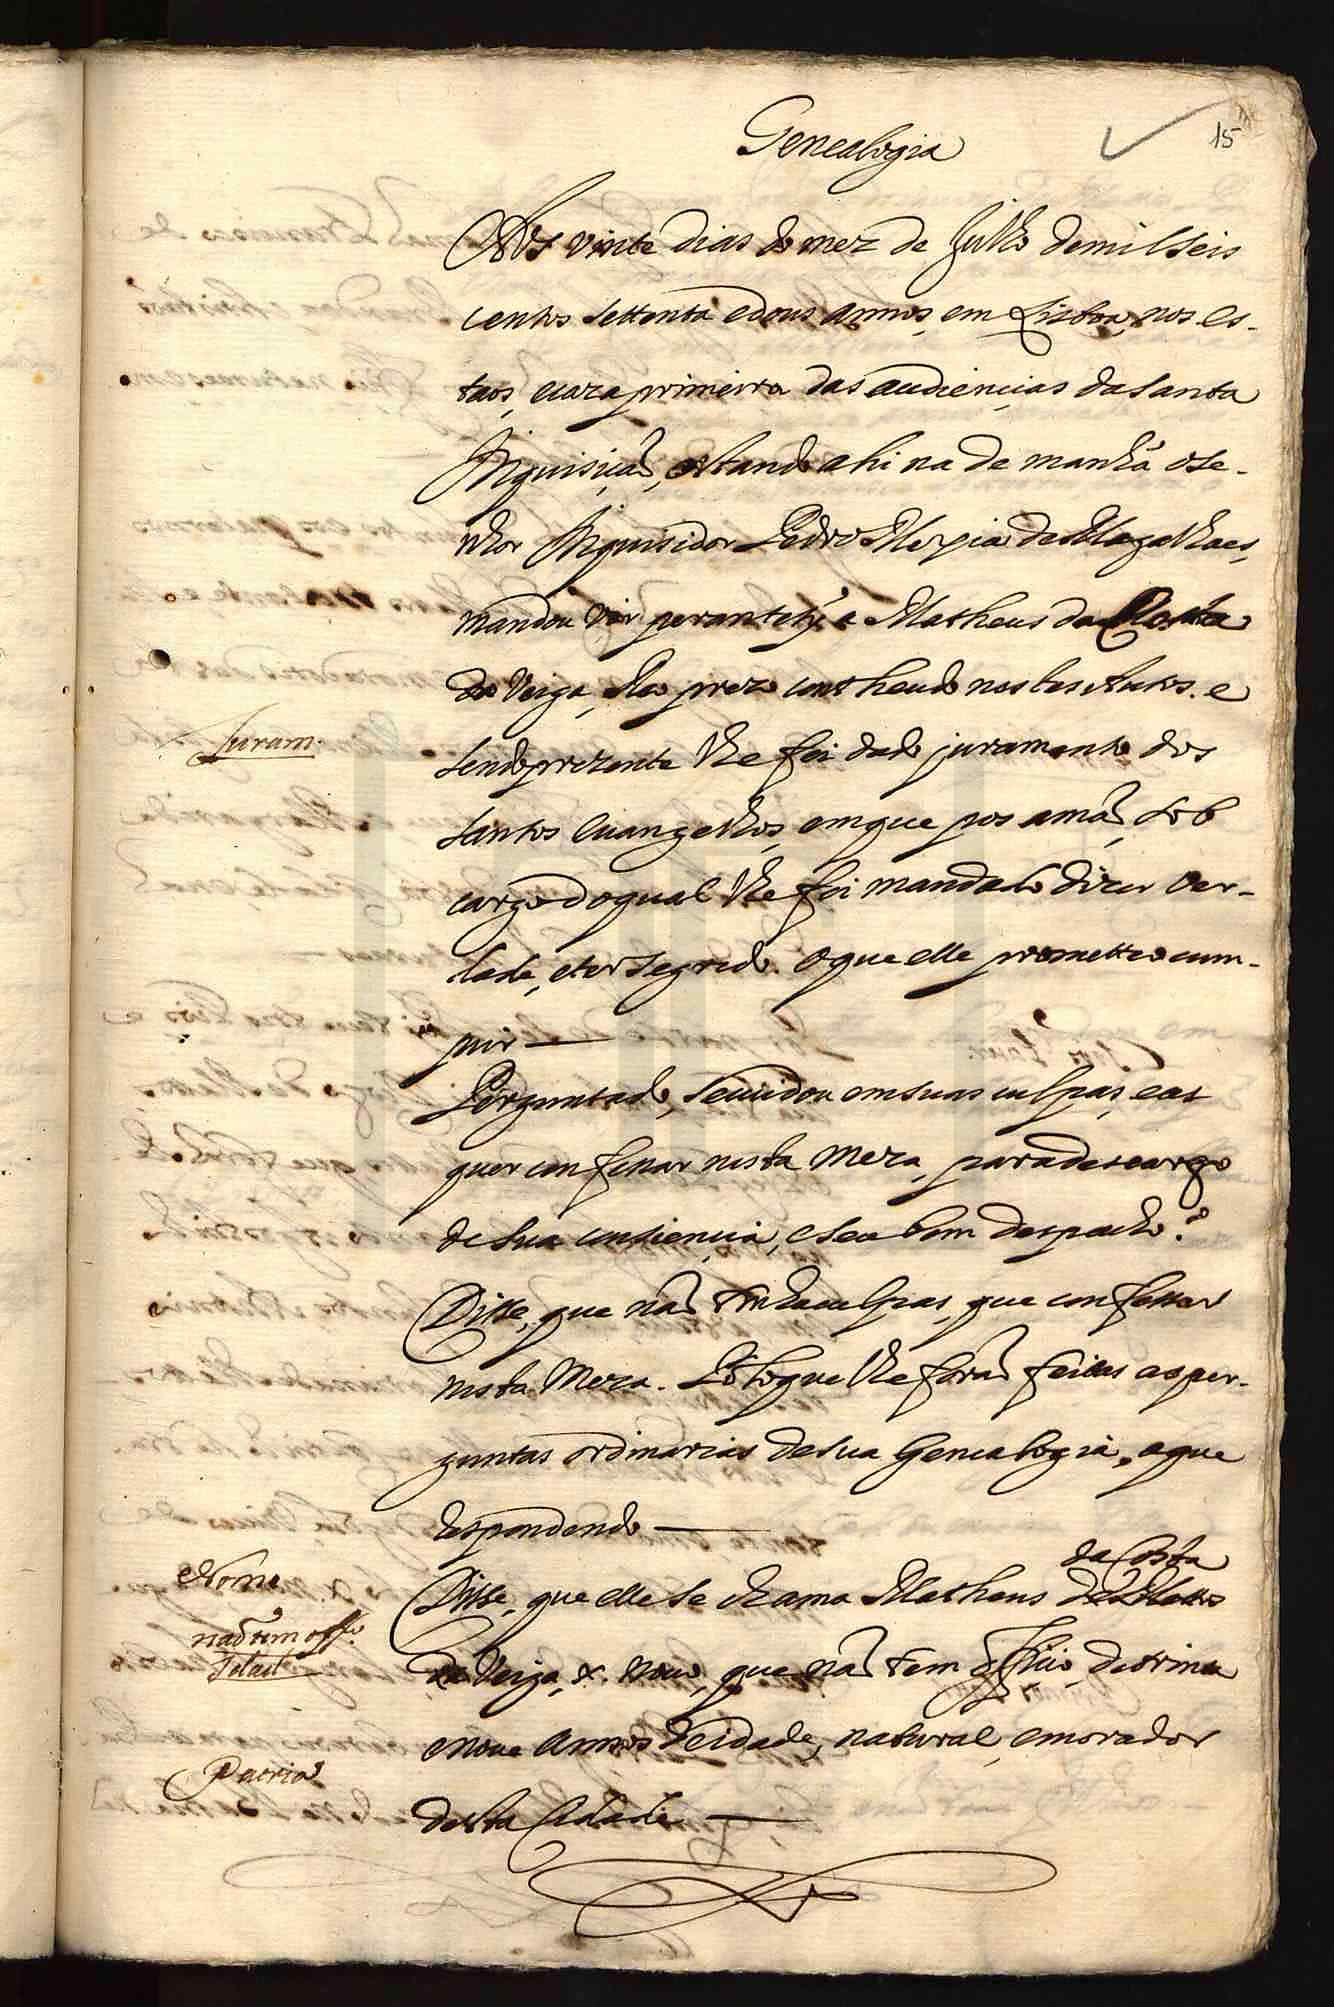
Genealogia
Aos vinte dias do mez de Julho de mil seis
centos settenta e dous annos, em Lisboa, nos es
taos, e caza primeira das audiencias da Santa
Jnquisiçaõ, estando ahi na de manhã o se
nhor Jnquisidor Pedro Mexia de Magalhaes,
mandou vir perante sy a Matheus da Costa
do Veiga, Reo prezo contheudo nestes Autos. E
Juram.
Sendo prezente lhe foi dado juramento dos
Santos Euangelhos, em que pos a maõ, sob
cargo do qual lhe foi mandado dizer ver
dade, e ter segredo. O que elle prometteo cum
prir.
Perguntado, Se cuidou em suas culpas, e as
quer confessar nesta Meza, para descargo
de Sua consiencia, e seu bom despacho.
Disse, que naõ tinha culpas, que confessar
nesta Meza. Polo que lhe foraõ feitas as per
guntas ordinarias de sua Genealogia, a que
Respondendo
Nome
Disse, que elle se chama Matheus
da Costa
naõ tem off.o
Idad
da Veiga, x. nouo, que naõ tem officio, de trinta
e noue annos de idade, natural, e morador
Patria
desta Cidade
